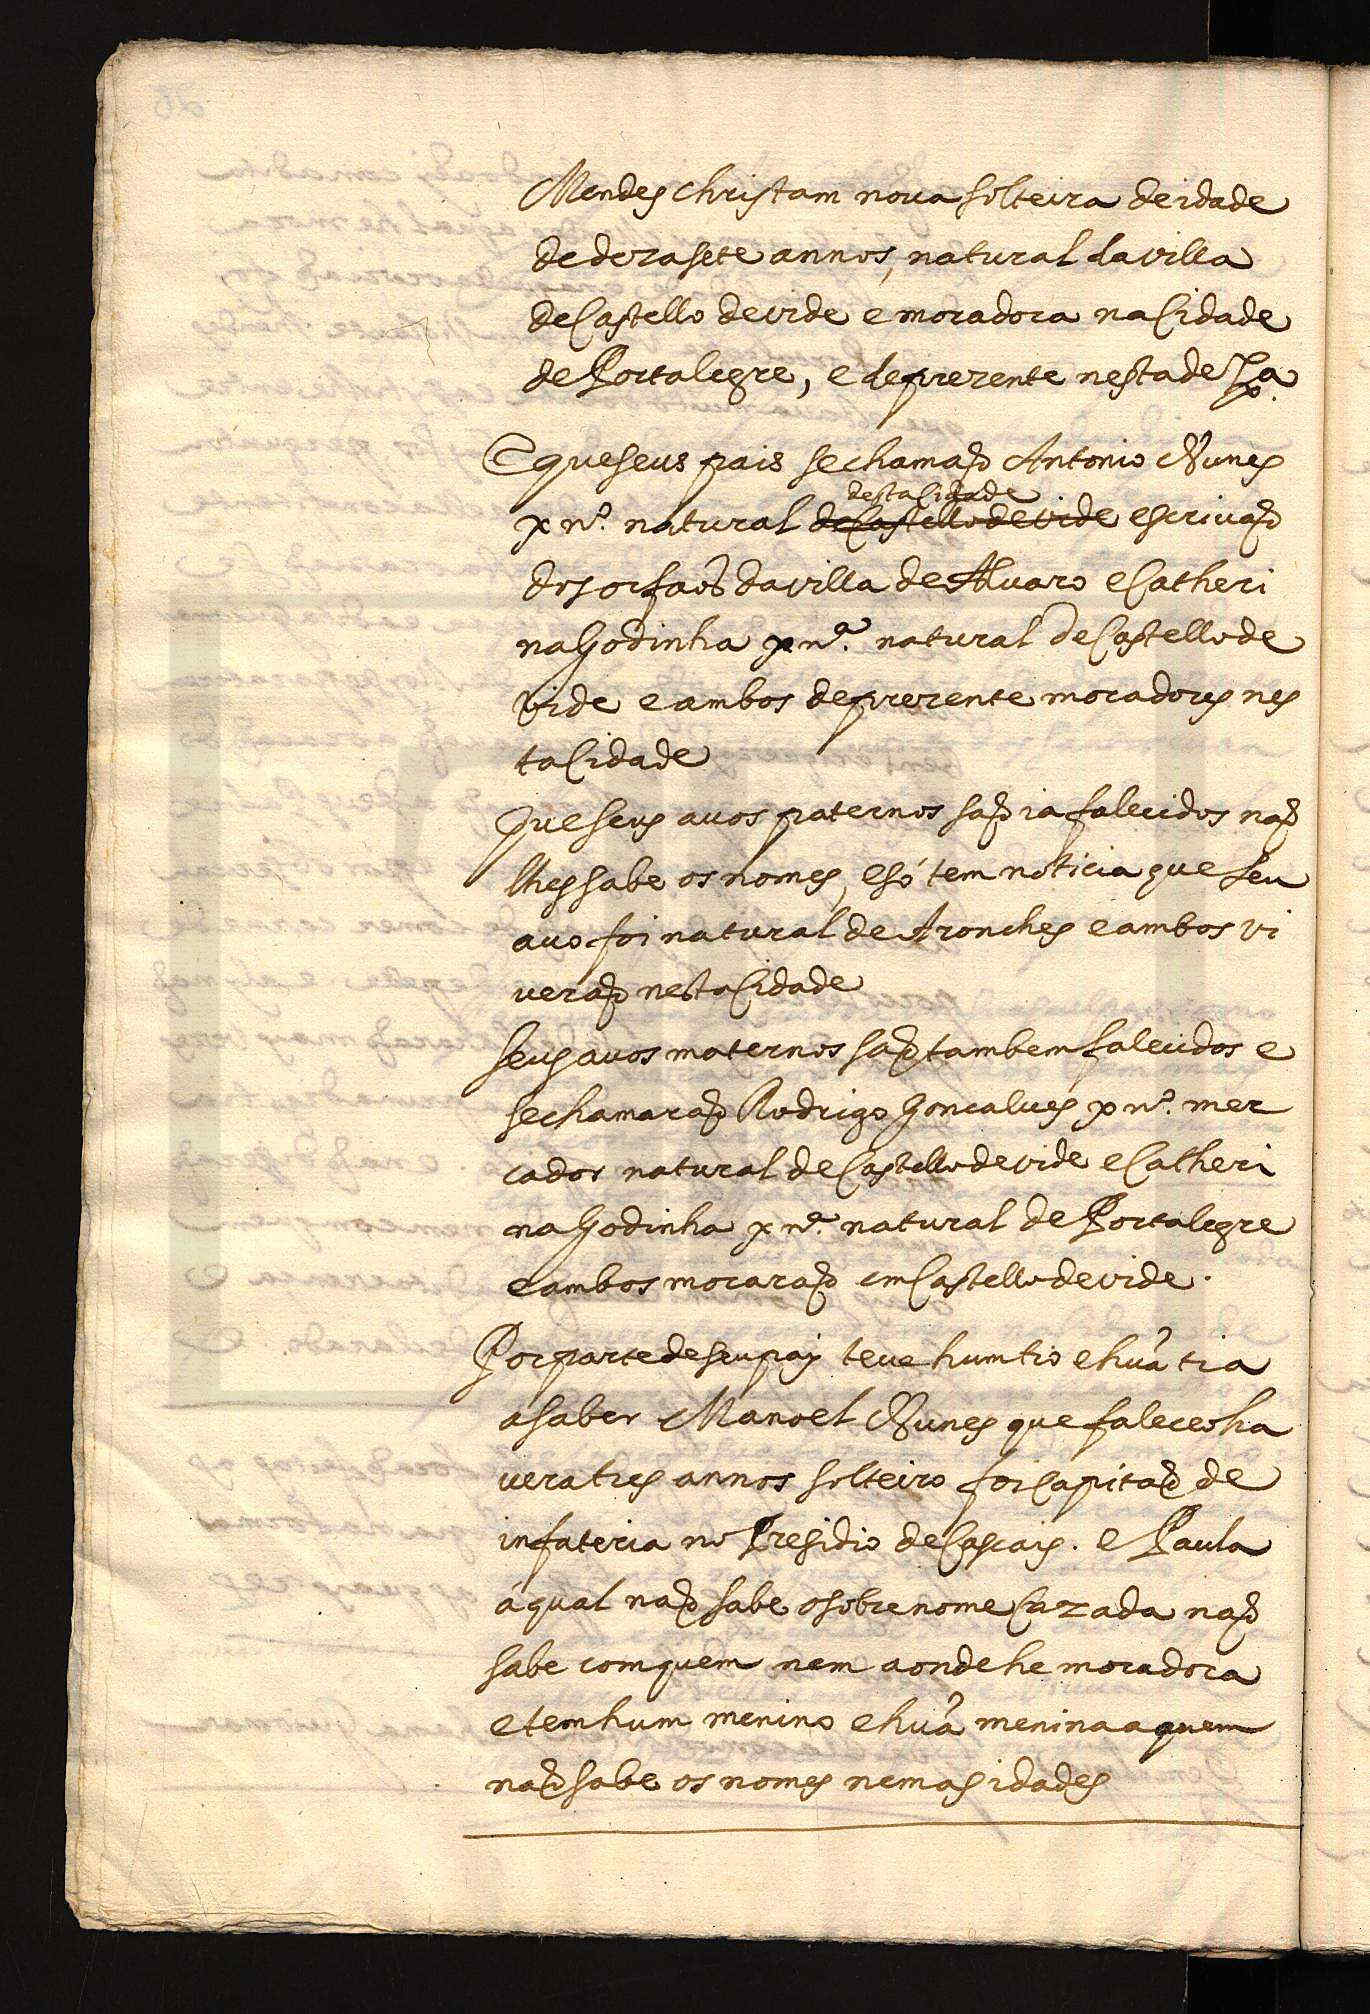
Mendes christam noua solteira de idade
de dezasete annos, naturaL da villa
de Castello de vide e moradora na Cidade
de Portalegre, e de prezente nesta de Lxa.
E que seus pais se chamaõ Antonio Nunes
xn.o naturaL _
desta Cidade
escriuaõ
dos orfaõs da villa de Aluaro e Catheri
na Godinha xn.a natural de Castello de
vide e ambos de prezente moradores nes
ta Cidade
Que seus auos paternos saõ ia falecidos naõ
lhes sabe os nomes, e só tem noticia que seu
auo foi naturaL de Aronches e ambos vi
uerão nesta Cidade
Seus auos maternos saõ tambem falecidos e
se chamaraõ Rodrigo Goncalues xno. mer
cador naturaL de Castello de vide e Catheri
na Godinha xn.a natural de Portalegre
e ambos moraraõ em Castello de vide.
Por parte de seu pay teue hum tio e huā tia
a saber Manoel Nunes que faleceo ha
uera tres annos solteiro foi Capitaõ de
infateria no Presidio de Cascais. e Paula
á quaL naõ sabe o sobrenome Cazada naõ
sabe com quem nem aonde he moradora
e tem hum menino e huā menina a quem
naõ sabe os nomes nem as idades
